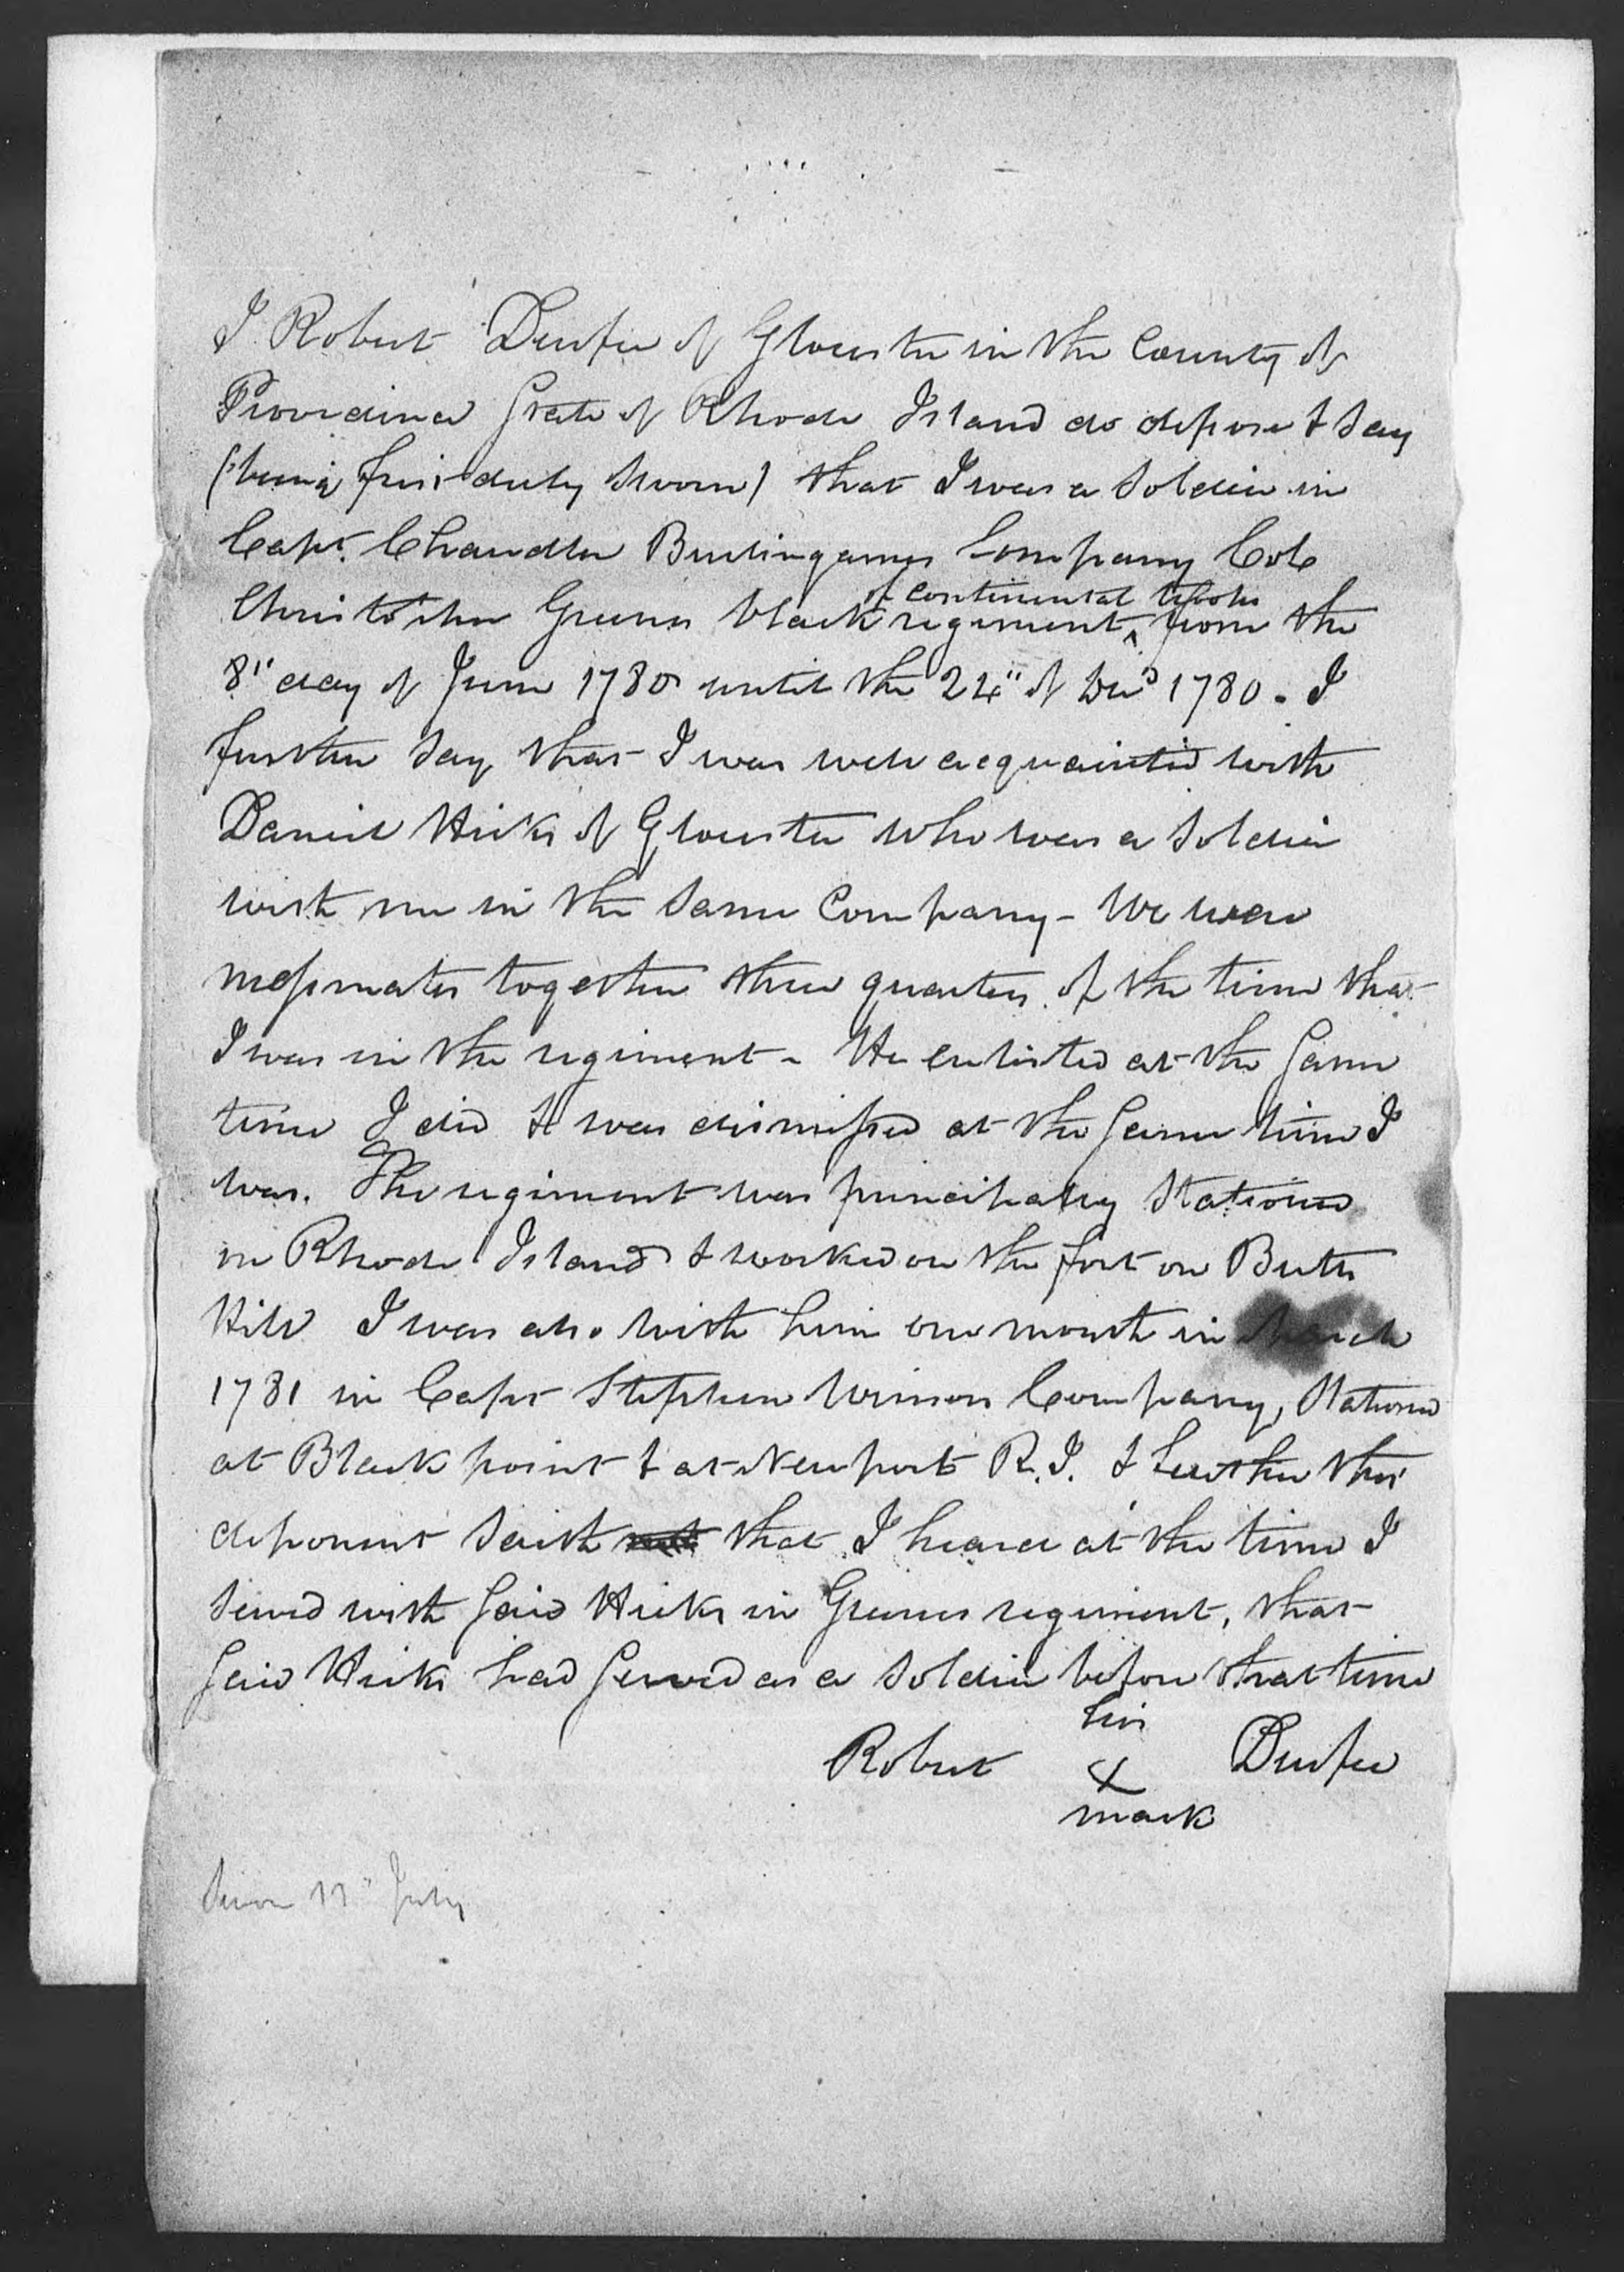I Robert Dunfee of Glouster in the County of
Providence State of Rhode Island do depose & say
(being first duly sworn) that I was a soldier in
Capt Chandler Burlingame Company Col
Christopher Green back the 8"
day of June 1780 until the 24 of Decr 1780. I
further say that I was well acquainted with
Daniel Hicks of Glouster who was a soldier
with me in the same Company. We then
[mossmates?] together three quarters of the time that
I was in the regiment. He enlisted at the same
time I did I was dismissed at the same time I
was, The regiment was principally stationed
in Rhode Island & worked on the fort on Butt
Hill I was also with him one month in
1781 in Capt Stephen Winson Company stationed
at Black Point & at Newport R. I. & further the
deponent saith that I heard at the time I
served with said Hicks in Greenes regiment, that
said Hicks had served as a soldier before that time
Robert  his X mark  Burke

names: Hicks, Hicks, Robert Durfee, Daniel Hicks, Robert Durfee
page: 9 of 17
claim: survivor's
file: S. 21285, Daniel Hicks, R.I.